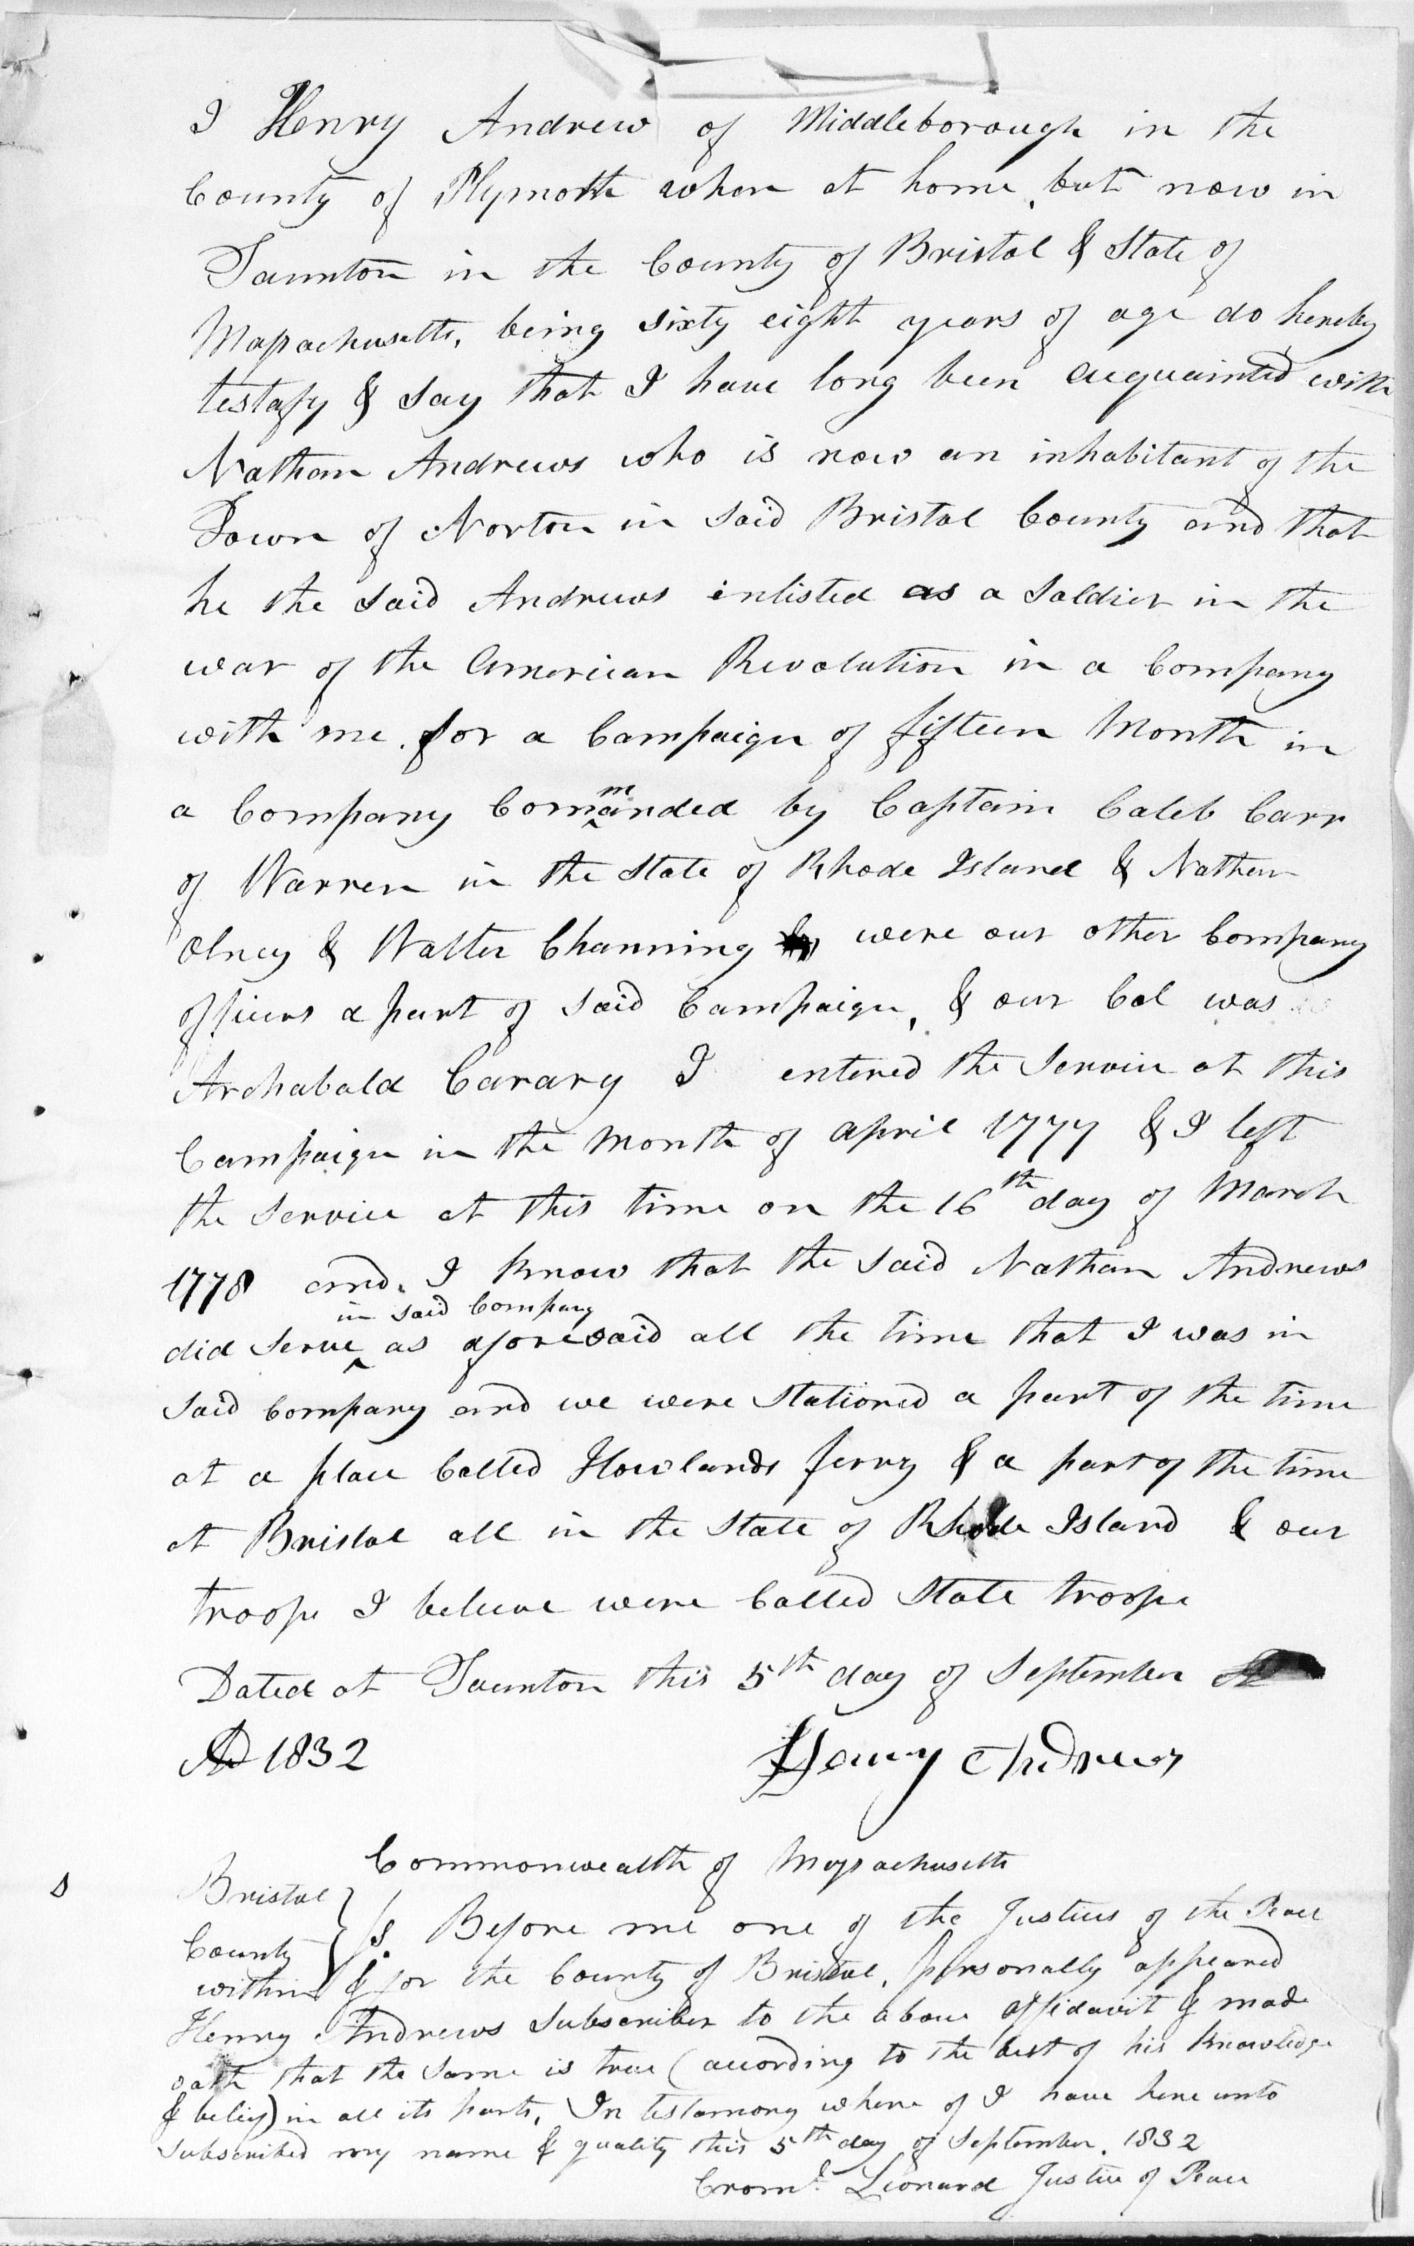I Henry Andrew of Middleborough in the County of Plymouth when at home, but now at Taunton in the County of Bristol & State of Massachusetts being sixty eight years of age do hereby testify & say that I have long been acquainted with Nathan Andrews who is now an inhabitant of the Town of Norton in said Bristol County and that he the said Andrews inlisted as a soldier in the war of the American Revolution in a Company with me for a campaign of fifteen month in a company commanded by Captain Caleb Carr of Warren in the State of Rhode Island & Nathan Olney & Walter Channing were our others officers & part of said campaign, & our Col was Archabald Canary I entered the service at this campaign in the month of April 1777 & I left the service at this time on the 16th day of March 1778 and I know that the said Nathan Andrews did serve in said company as aforesaid all the time that I was in said company and we were stationed a part of the time at a place called Howlands Ferry & a part of the time at Bristol all in the state of Rhode Island & our troops I believe were called state troops. Dated at Taunton this 5th day of Septemeber AD 1832 Henry Andrews

Commonwealth of Massachusetts Bristol County SS. Before me one of the Justices of the Peace within and for the County of Bristol, personally appeared Henery Andrews subscriber to the above affidavit & made oath that the same is true according to the best of his knowledge & belief in all its parts. In testimony whereof I have hereunto subscribed my name & quality this 5th day of September 1832. Croml Leonard Justice of Peace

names: Henry Andrew, Nathan Andrews, Nathan Olney, Walter Channing, Archabald Carary, Henry Andrews, Nathan Andrews, Andrews, Henry Andrews, Caleb Carr, Croml Leonard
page: 11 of 18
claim: survivor's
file: S. 29,590, Nathan Andrews, Mass R.I.